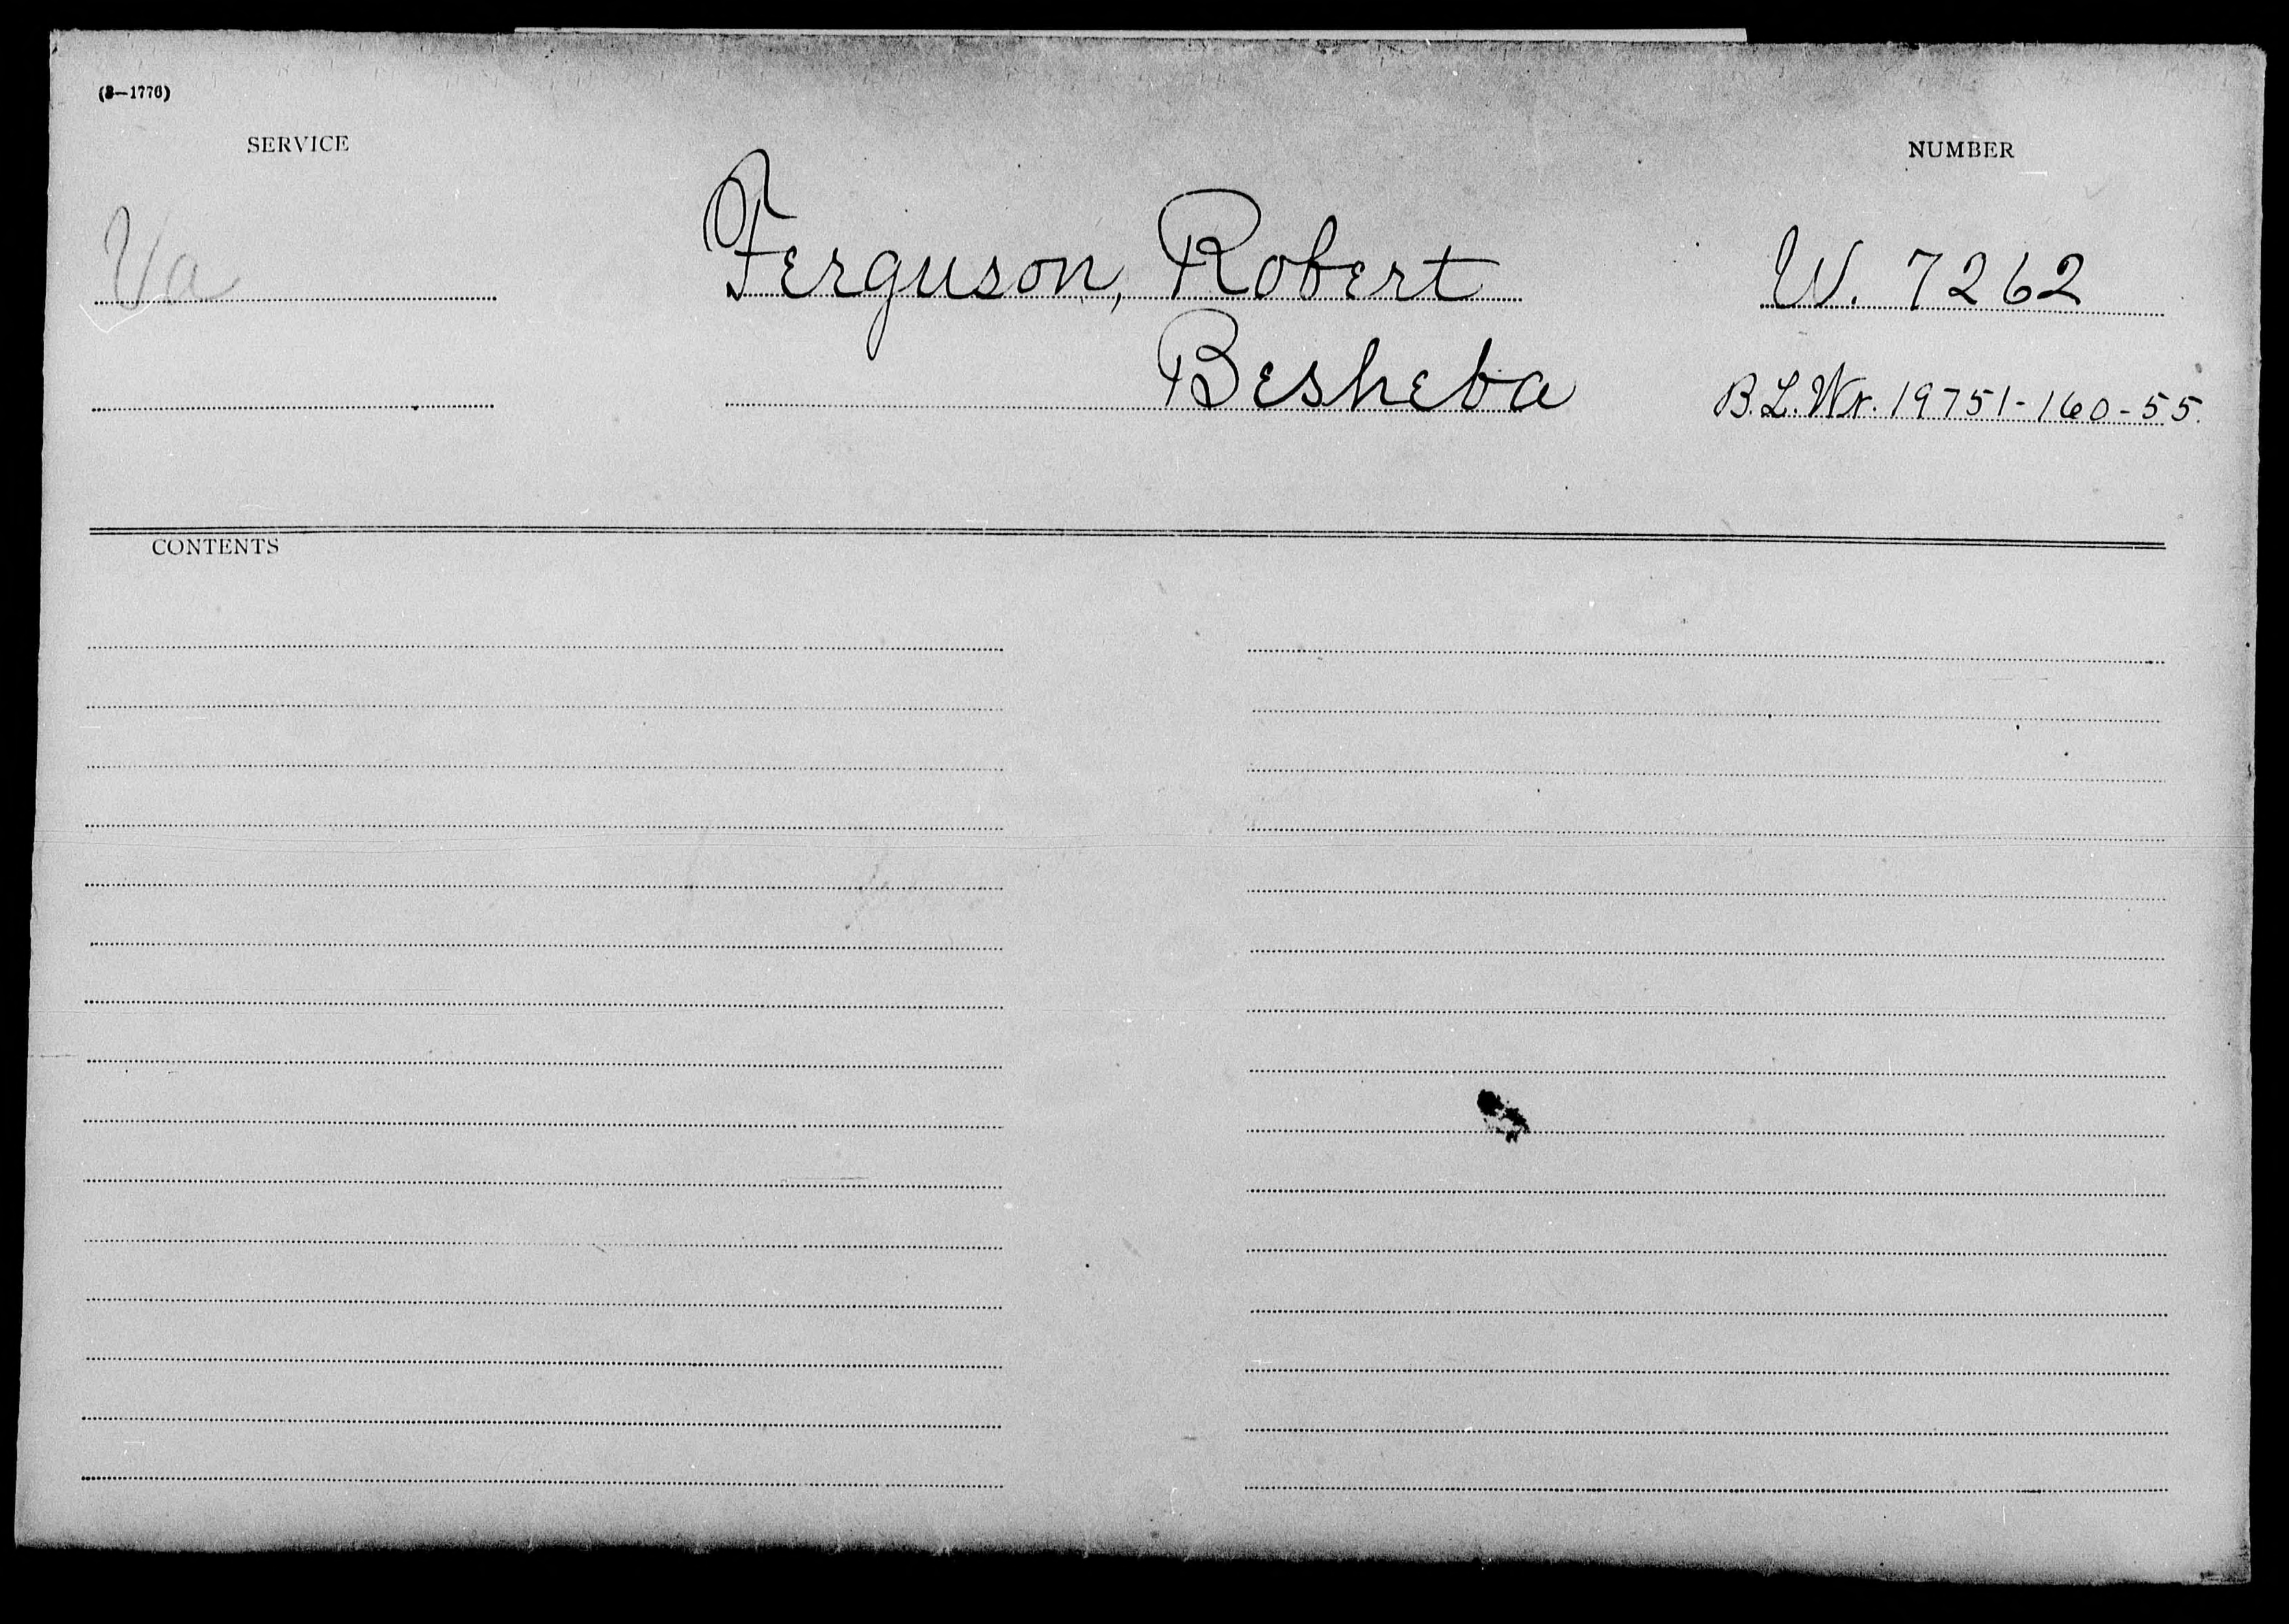SERVICE: Va

Ferguson, Robert
Besheba

NUMBER W. 7262
B.L. Wt. 19751-160-55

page: 1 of 81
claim: widow's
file: W. 7262, Robert Ferguson, Va.